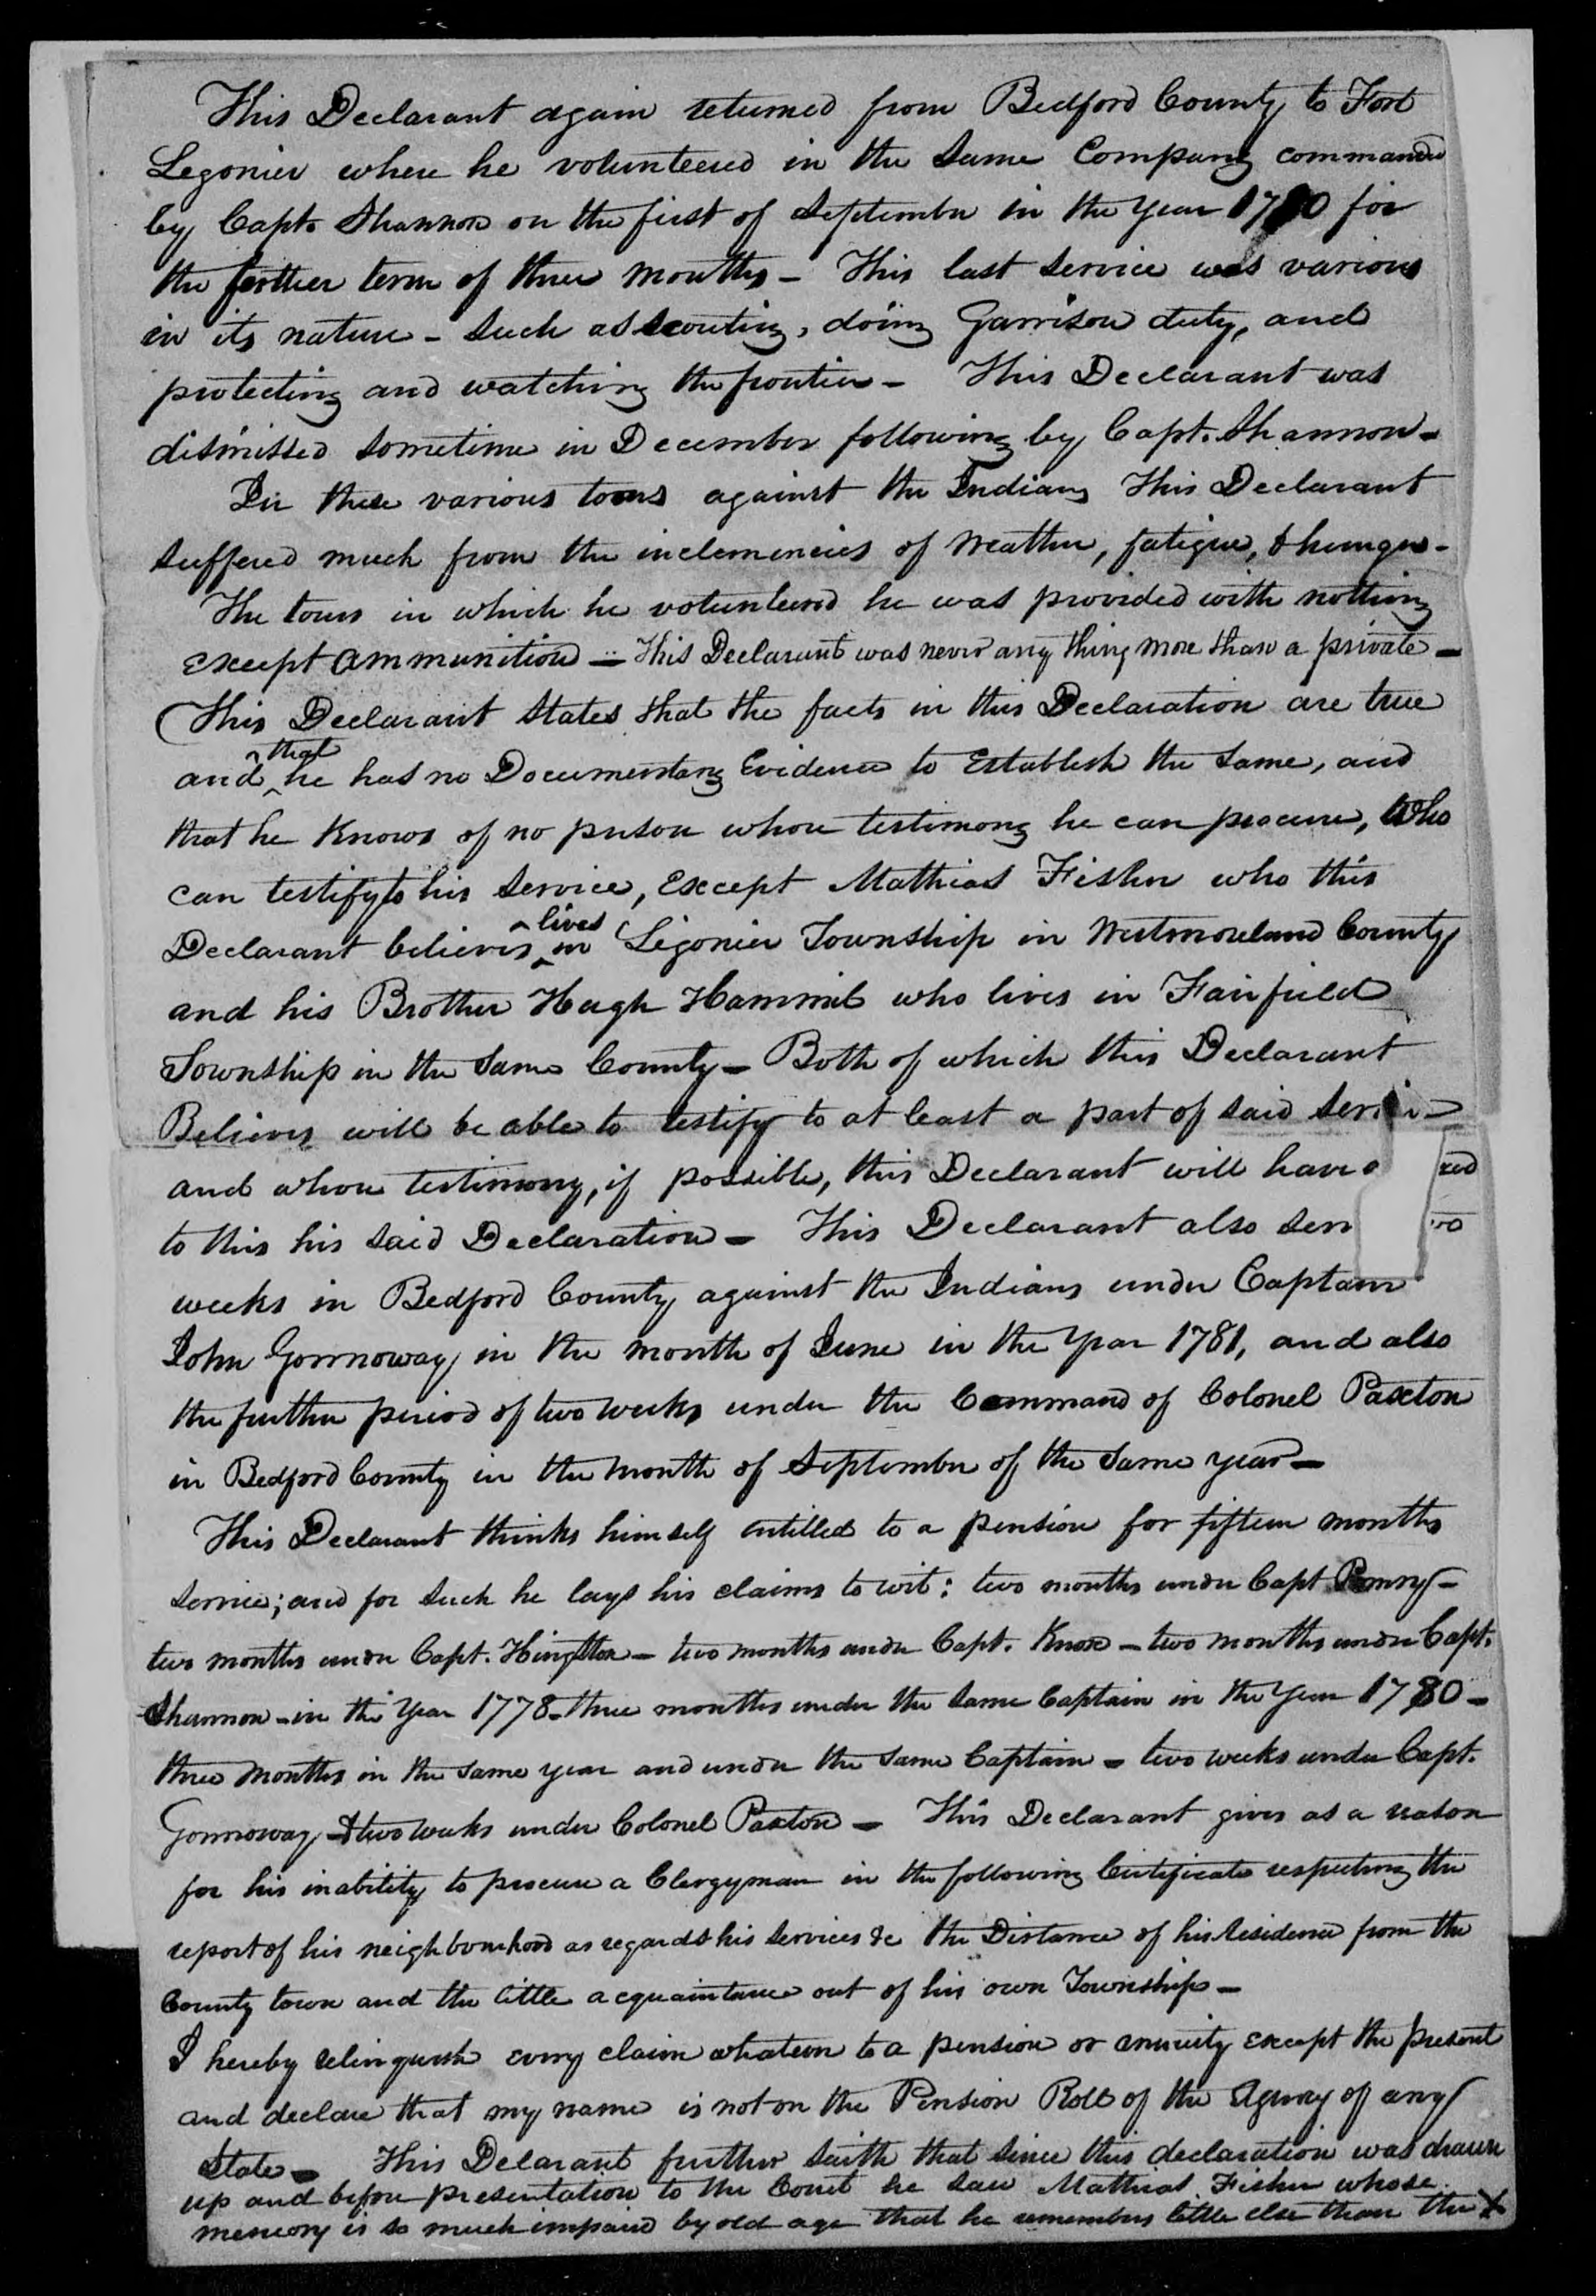This Declarant again returned from Bedford County to Fort Legonier [Ligonier] where he volunteered in the same company commanded by Capt. Shannon on the first of September in the year 1780 for the further term of three months- This last service was various in its nature- such as scouting, doing Garrison duty, and protecting and watching the frontier- This Declarant was dismissed sometime in December following by Capt. Shannon.
In these various tours against the Indians This Declarant suffered much from the inclemencies of weather, fatigue, & hunger. The tours in which he volunteered he was provided with nothing Except ammunition - This Declarant was never any thing more than a private- This Declarant states that the facts in this Declaration are true and that he has no Documentary Evidence to Establish the same, and that he knows of no person whose testimony he can procure, who can testify to his service, Except Mathias Fisher who this Declarant believes lives in Ligonier Township in Westmoreland County and his Brother Hugh Hammil who lives in Fairfield Township in the same County - Both of which this Declarant Believes will be able to testify to at least a part of said Service and whose testimony, if possible, this Declarant will have [torn page] ed to this his said Declaration- This Declarant also [torn page - served two?] weeks in Bedford County against the Indians under Captain John Gownoway [Conoway?] in the month of June in the year 1781, and also the further period of two weeks under the command of Colonel Paxton in Bedford County in the month of September of the same year –
This Declarant thinks himself entitled to a pension for fifteen months service; and for such he lays his claims to wit: two months under Capt Pomry- two months under Capt. Hingston- two months under Capt. Knox - two months under Capt. Shannon in the year 1778, three months under the same Captain in the year 1780-  three months in the same year and under the same Captain- two weeks under Capt. Gownoway [Conoway?] - & two weeks under Colonel Paxton - This Declarant gives as a reason for his inability to procure a Clergyman in the following Certificate respecting the report of his neighborhood as regards his services &c [etc.?] the distance of his residence from the County town and the little acquaintance out of his own Township – 
I hereby relinquish every claim whatever to a pension or annuity except the present and declare that my name is not on the Pension Roll of the Agency of any State -  This Declarant further saith that since this declaration was drawn up and before presentation to the Court he saw Mathias Fisher whose memory is so much impaired by old age that he remembers little else than the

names: Gownoway, Paxton, Shannon, Mathias Fisher, Mathias Fisher, Shannon, Paxton, Hugh Hammil, Hingston, Knox, Pomry, Shannon, John Gownoway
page: 11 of 92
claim: widow's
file: W 1173, Robert Hamill, Penn.